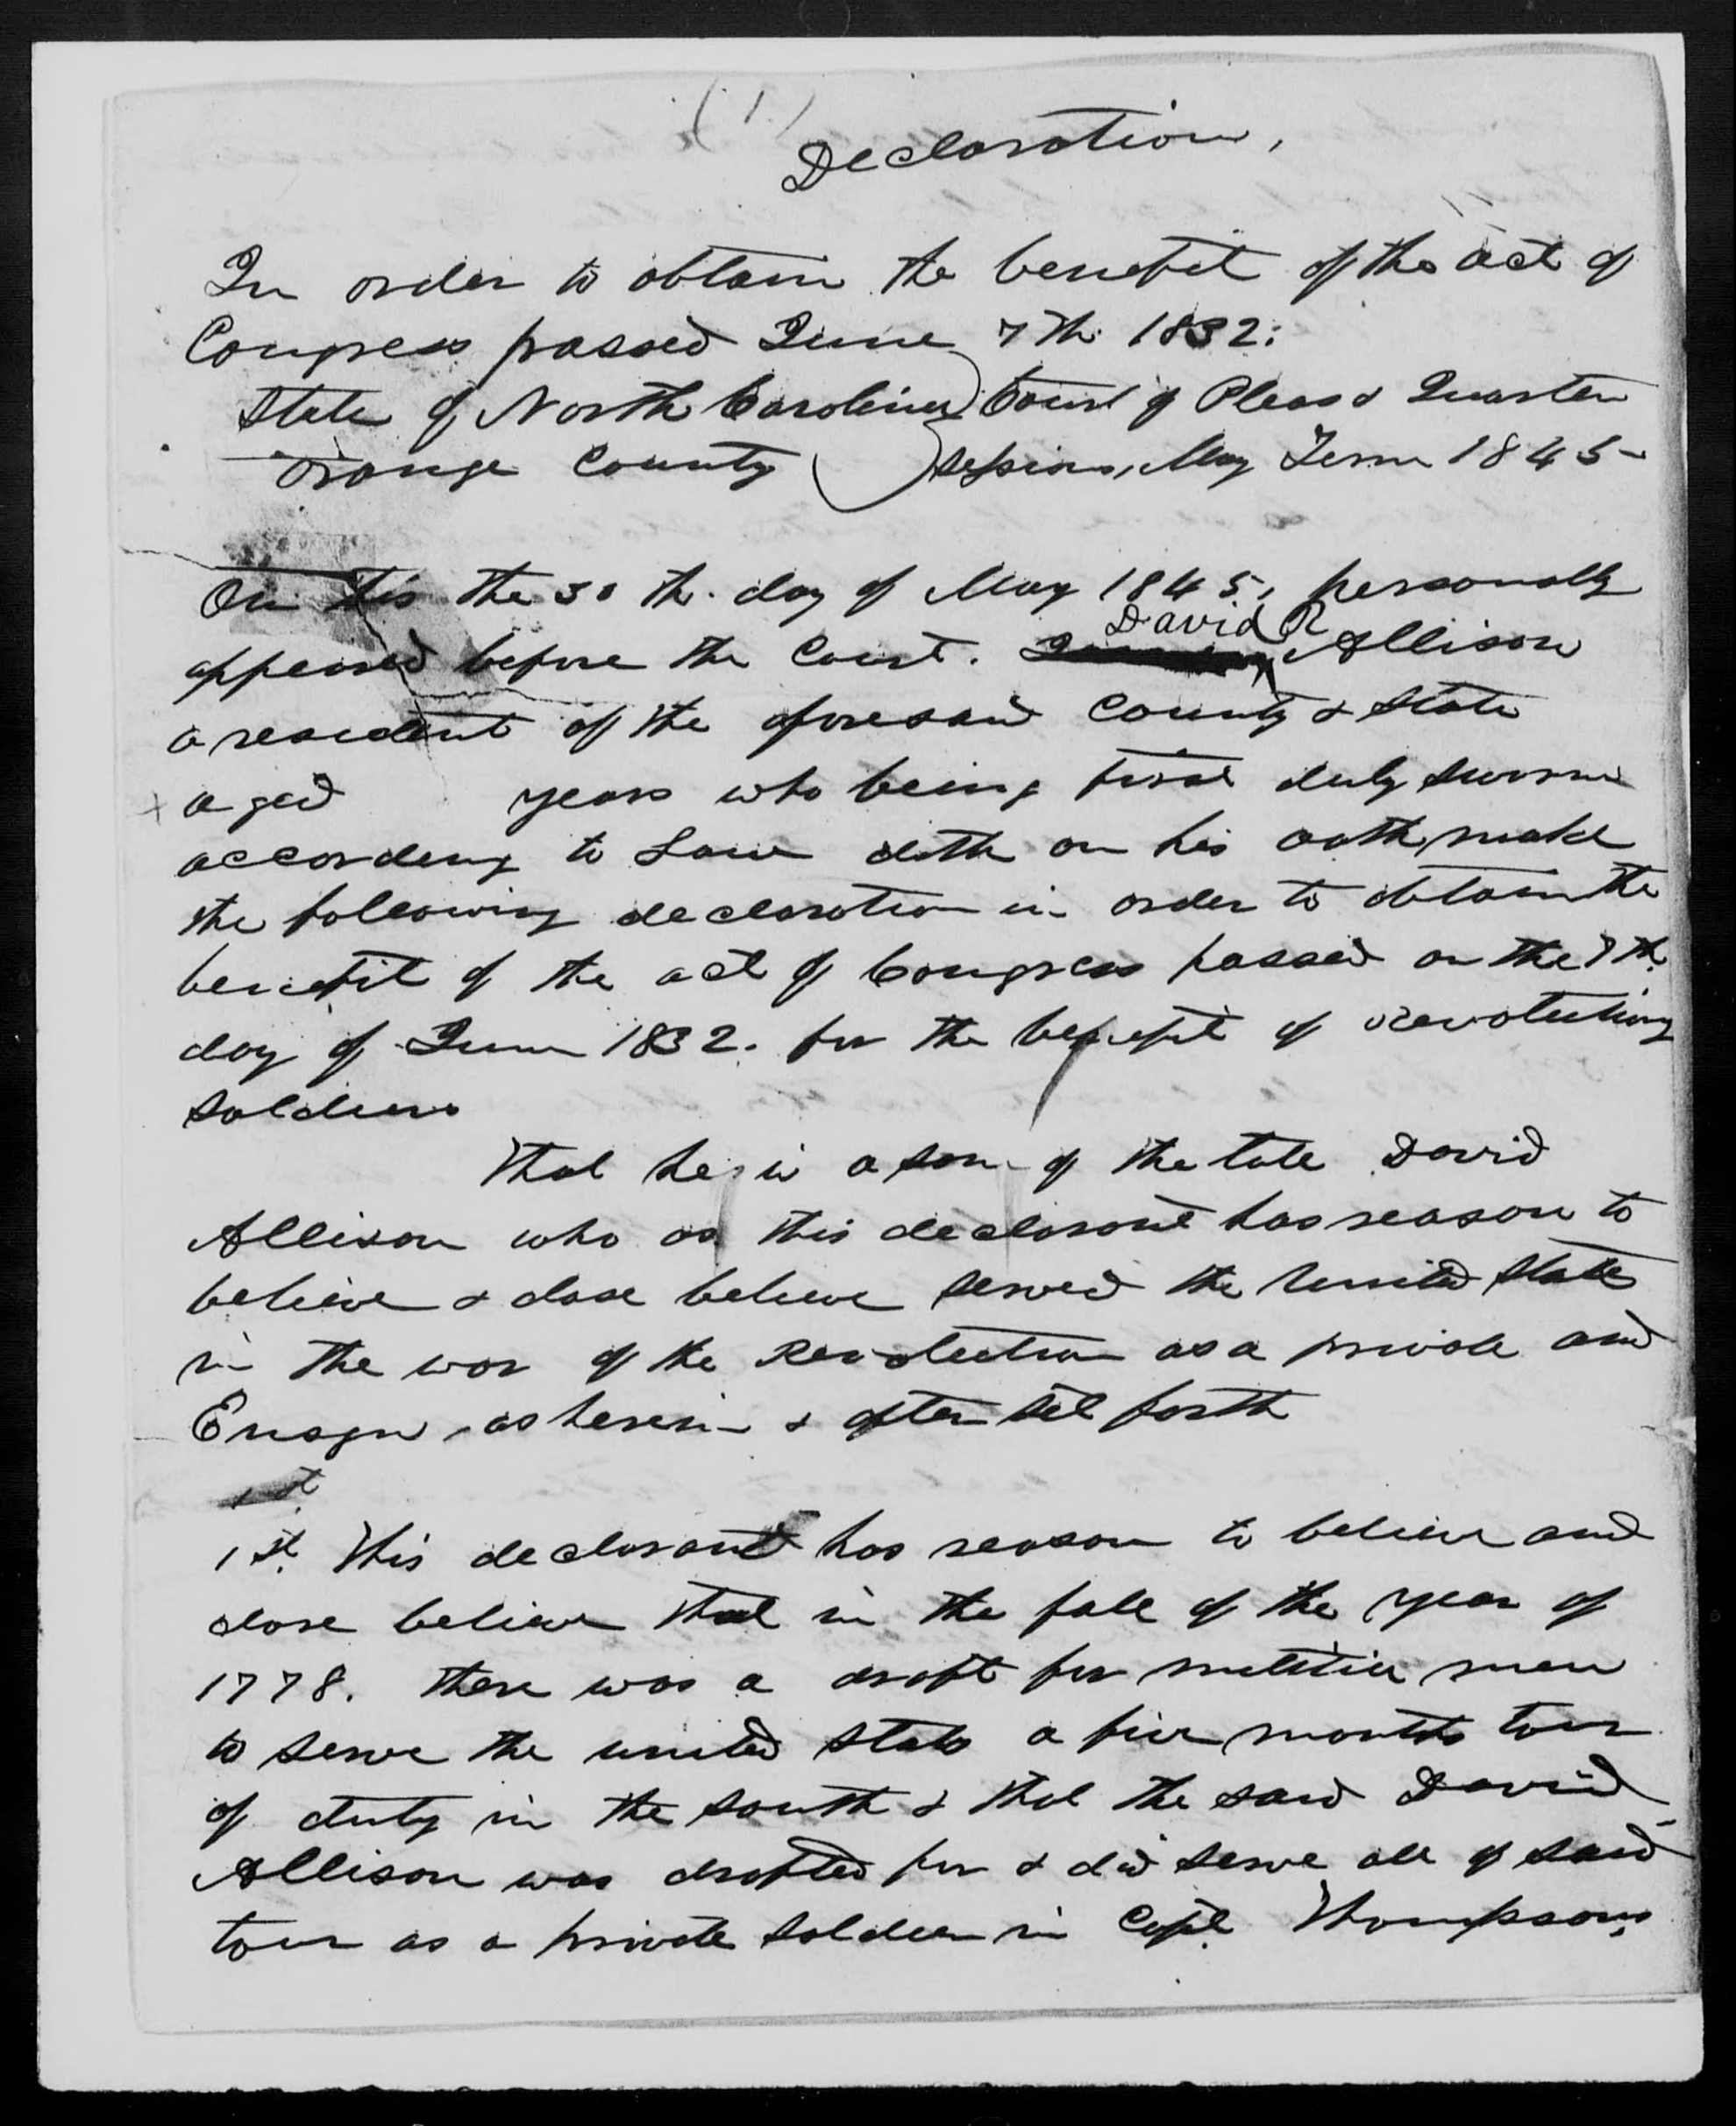Declaration,
In order to obtain the benefit of the act of Congress passed June 7th 1832:
State of North Carolina Court of Pleas and Quarter Sessions
Orange County , May Term 1845 -

On this the 30th day of May 1845, personally appeared before the Court. David R. Allison, a resident of the aforesaid county and state aged _______years who being first duly following declaration in order to obtain the benefit of the Act of Congress passed on the 7th day of June1832 for the benefit of revolutionary soldiers.
That he is a son of the late David Allison who on this declosure has reason to believe and does believe served the United States in the war of the Revolution as a private and ensign as herein and after set forth:
1st. This declarant has reason to believe and does believe that in the fall of the year of 1778 there was a draft for mijlitia men to serve the United States a five months tour of duty in the south and that said David Allison was drafted for and did serve all of said tour as a private soldier in Capt.  Thompsons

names: David R Allison, David Allison, David Allison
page: 2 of 33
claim: rejected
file: R. 155, David Allison, N.C.